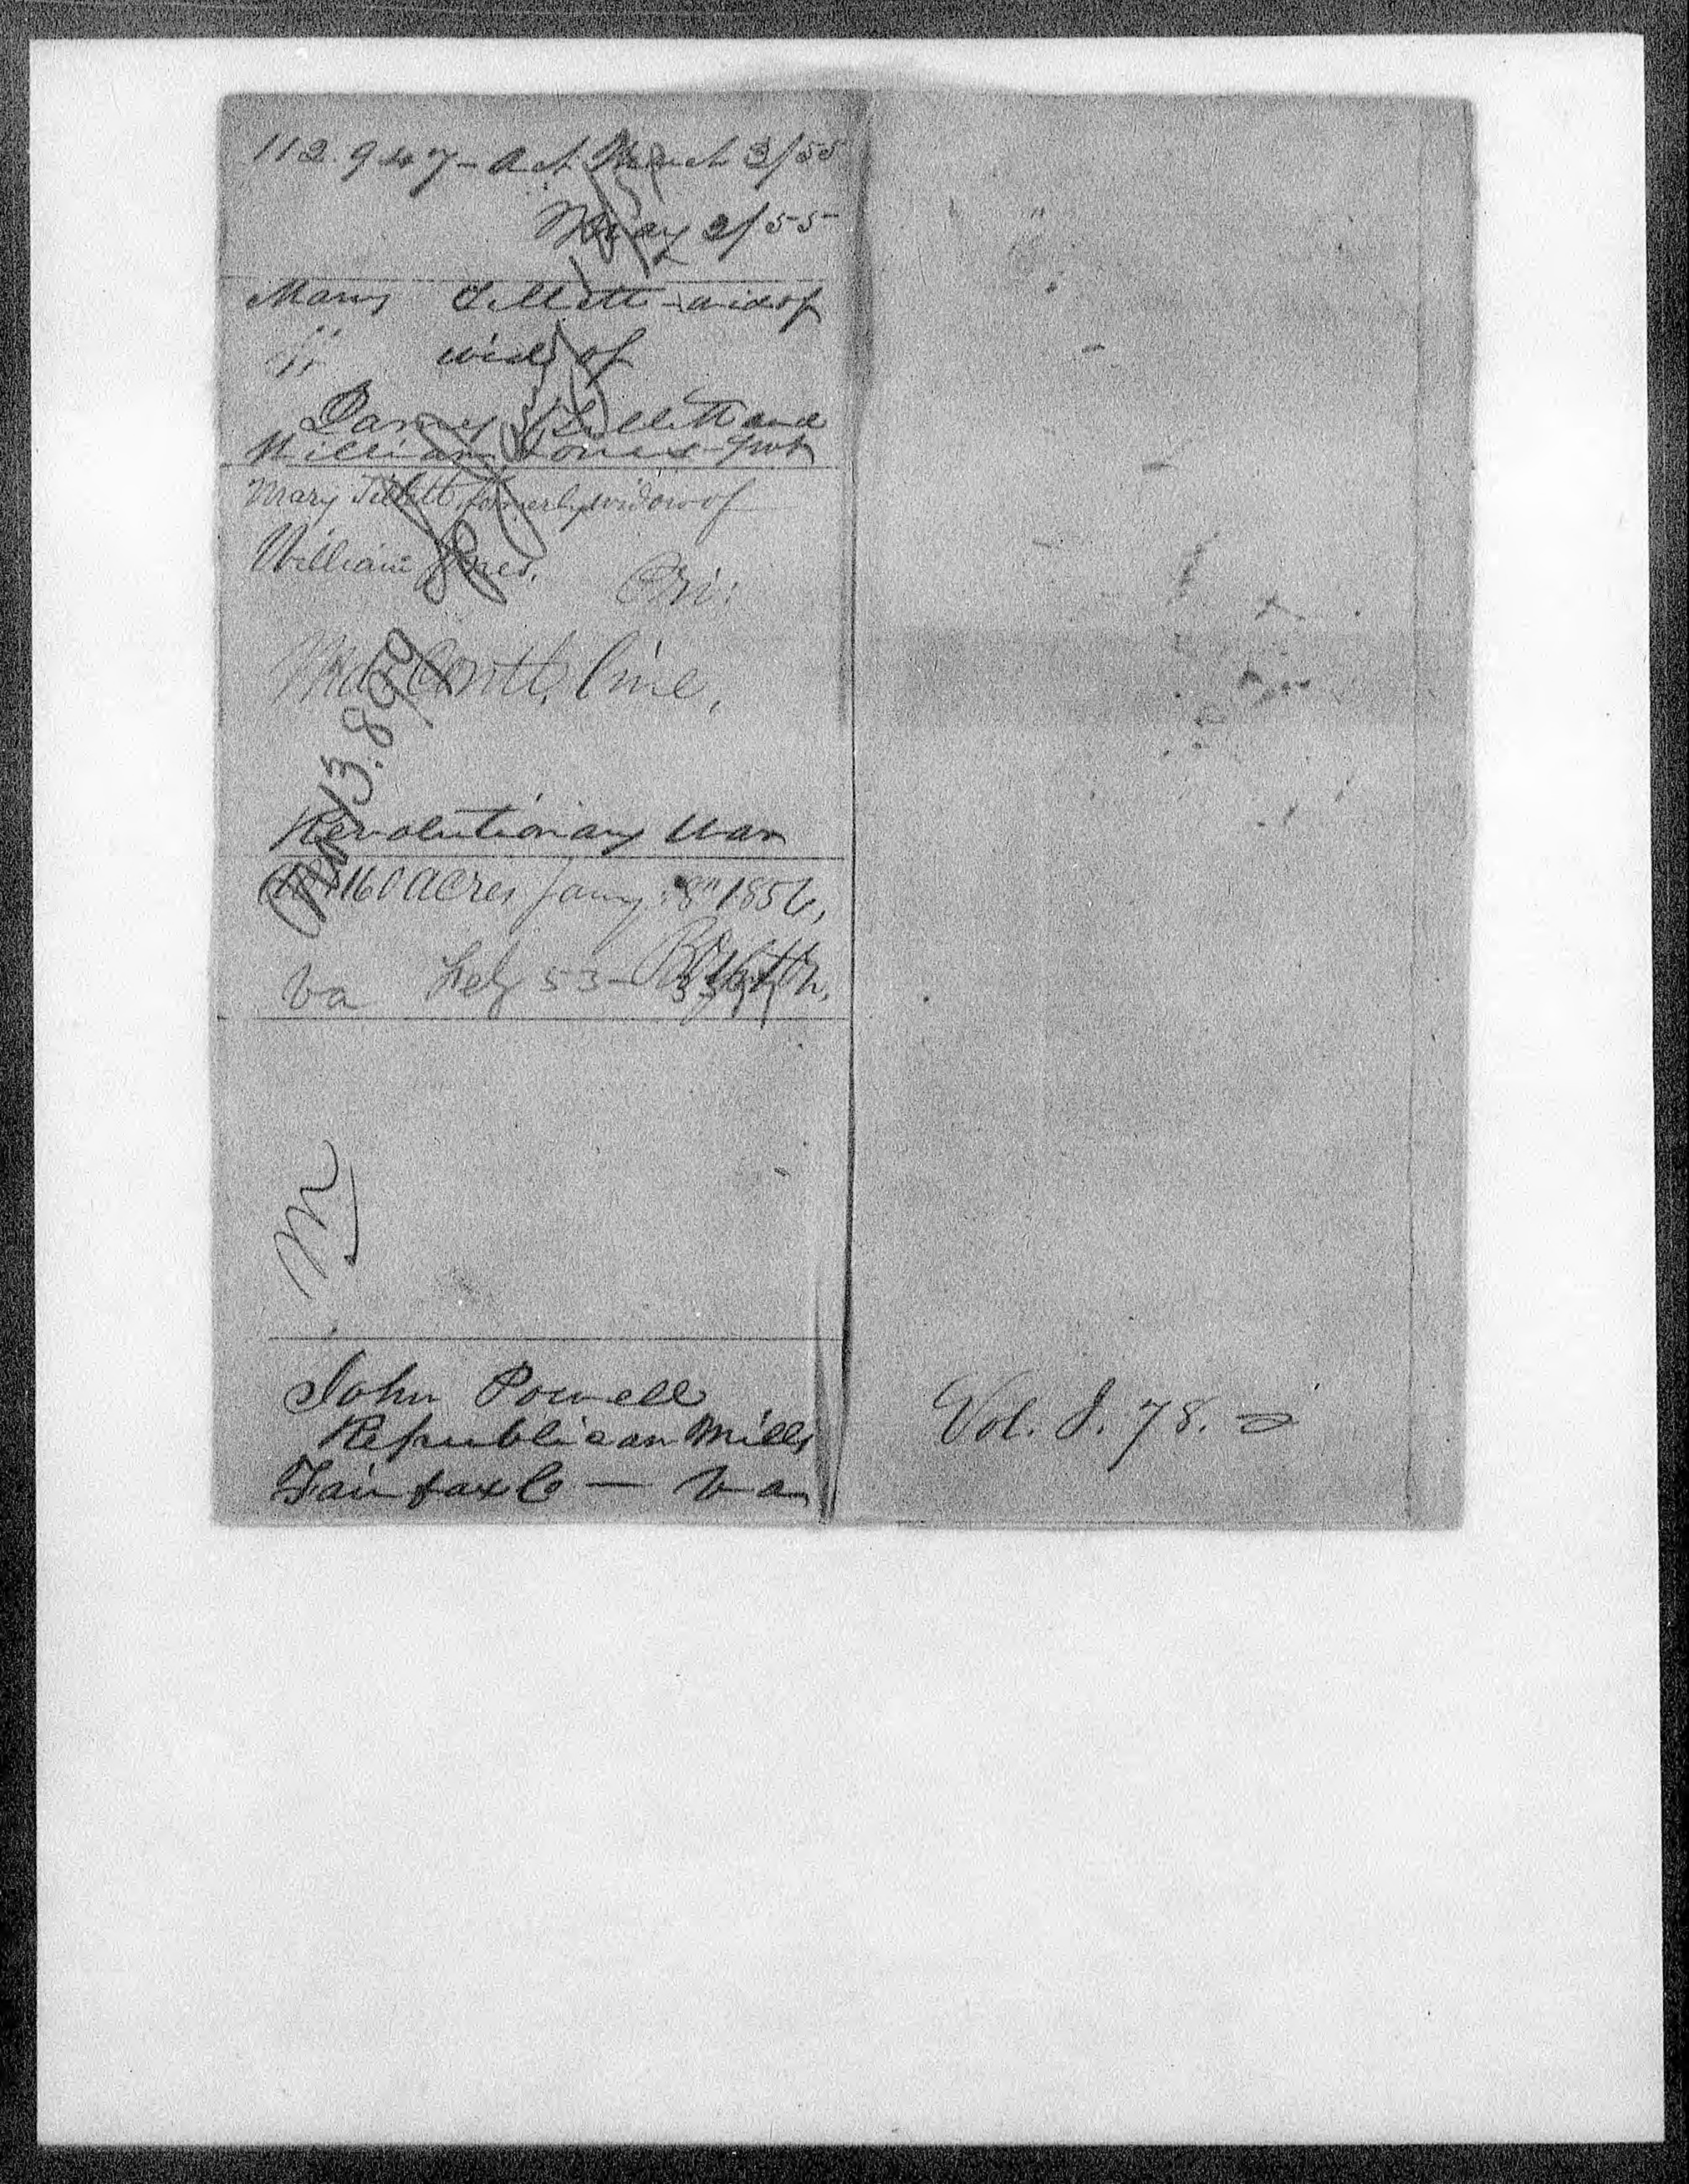112.9 to 7 - Act March 3/55
 May 2/55

Mary Tillett - wid of [erased] wid of James Tillett and William Jones - prvt
Mary Tillett, former widow of William Jones.  Pri:
Md. Contl. line.

Revolutionary War
160 acrea Jany. 8th 1856, Va. Feby 53 Boynton

John Powell
Republican Mills
Fairfax Co -- Va.

No. 13.899 clp[?] Jany 1854

Vol. J. 78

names: James Tellett; [BLANK] Boynton; Mary Tellett; John Powell; William Jones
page: 4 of 39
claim: widow's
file: W 6292, for William Jones, Maryland